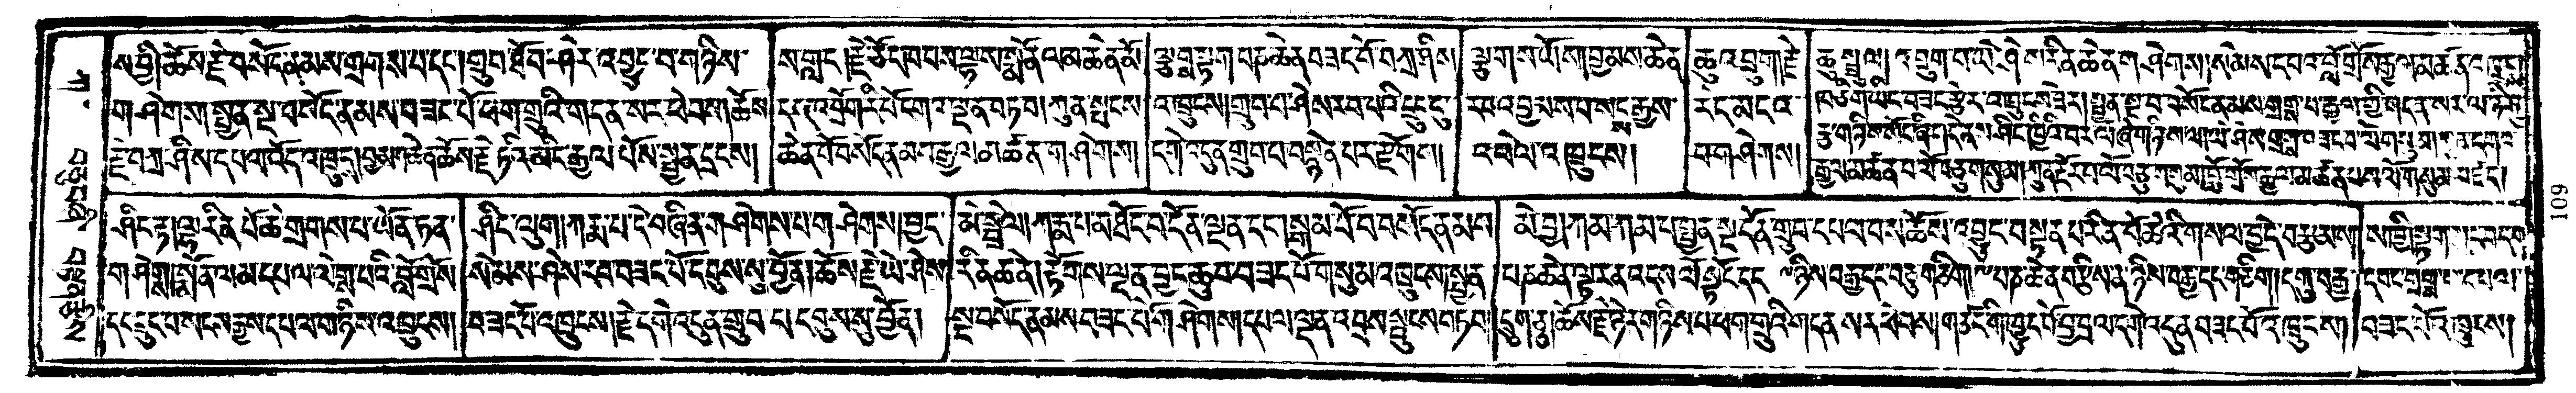༄༅། །ས་བྱི། ཆོས་རྗེ་བསོད་ནམས་གྲགས་པ་དང་། གྲུབ་ཐོབ་ཤེར་འབྱུང་བ་གཉིས། ས་གླང་། རྗེ་ཙོང་ཁབས་ལྷས་སྨོན་ལམ་ཆེན་མོ། ལྕགས་སྟག་བཎ་ཆེན་བཟང་པོ་བཀྲ་ཤིས། ལྕགས་ཡོས། བྱམས་ཆེན། ཅུ་འབྲུག་རྗེ། ཆུ་སྤྲུལ། འབྠུག་བ་ཡེ་ཤེས་རིན་ཆེན་གཤེགས། སེམས་དབའ་བློ་གྲོས་རྒྱལ་མཚན་འཁྲུངས་
གཤེགས། སྤྱན་སྔ་བསོད་ནམས་བཟང་པོ་ཕག་གྲུའི་གདན་སར་ཕེབས། ཆོས། དང་འབྲོག་རི་བོ་དགའ་ལྡན་བཏབ། ཀུན་སྤངས། འཁུངས། གྲུབ་པ་ཤེས་རབ་པའི་དྲུང་དུ། རབ་འབྱམས་པ་སངས་རྒྱས། རེད་མངའ། ཁ་ཅིག་ཡང་བཟང་རྩེར་འགྲུབས་ཟེར། སྤྱན་སྔ་བ་བསོང་ནམས་གྲགས་པ་རྒྱལ་གྱི་གདན་སར་ལ་ཉི་ཤུ་
ཇེ་བཀྲ་ཤིས་དཔལ་འོད་འཁྲུངས། བྱམས། ཆེན་ཆོས་རྗེ་ཏའི་རྒྱལ་པོས་སྤྱན་དྲངས། །ཆེན་པོ་བསོད་ནམ་བརྒྱལ་མཚན་གཤེགས། དགེ་འདུན་གྲུབ་པ་བསྙེན་པར་རྫོགས། །འཕེལ་འཁྲུངས། པ་གཤེགས། རྒྱལ་མཚན་བ་ལོ་བཅུ་གསུམ་ཀུན་རྡོར་བ་ལོ་བཅུ་གསུམ་བློ་གྲོས་རྒྱལ་མཚན་པས་ལོ་གསུམ་བྫད།
ཤིང་རྟ། ལྷ་རིན་པོ་ཆེ་གྲགས་པ་ཡོན་ཏན། ཤིང་ལུག། ཀརྨ་པ་དེ་བཞིན་གཤེགས་པ་གཤེགས། བྱད། མེ་སྤྲེལ། ཀརྨ་པ་མྟོང་བདོན་ལྡན་དང་། སྒམ་པོ་བ་བསོད་ནམ་བ། མེ་བྱམ། ཀམ་ཀམ་པ་སྤྱན་སྔ་དོན་གྲུབ་དཔལ་བས་ཆོས་འབྱུང་བསྟན་པ་རིན་པོ་ཆེའི་གསལ་བྱ་དེ་བརྩམས། ས་གྱི་སྟག་བདག་
གཤེགས། སྨོན་ལམ་དཔལ་ལེགས་པའི་བློ་གྲོས། སེམས་ཤེས་རབ་བཟང་པོ་དབུས་སུ་བྱོན། ཆོས་རྗེ་ཡེ་ཤེས། རིན་ཆེན། རྟོགས་ལྡན་བྱང་ཆུབ་བཟང་པོ་གསུམ་འཁྲུངས། སྤྱན། པཎ་ཆེན་ལྟར་ན་འདས་ལོ་སྟོང་དང་། གཉིས་བརྒྱ་དང་བཅུ་གཅིག། པཎ་ཆེན་བརྩིས་ན་ཉིས་བརྒྱ་དང་གཅིག། དགུ་བརྒྱ། དབང་གྲགས་པ་དཔལ་
དང་དྲུང་བ་སངས་རྒྱས་དཔལ་གཉིས་འཁྲུངས། བཟང་པོ་འཁྲུངས། རྗེ་དགེ་འདུན་གྲུབ་པ་དབུས་སུ་བྱོན། །སྔ་བསོད་ནམས་བཟང་པོ་གཤེགས། དཔལ་ལྡན་འབྲས་སྤུངས་བཏབ། དྲུག་ཅུ། ཆོས་རྗེ་ཉེར་གཉིས་པ་ཕག་གྲུའི་གདན་སར་ཕེབས། གཙང་གི། བྱུང་པོ་བྱ་བྲལ་དགེ་འདུན་བཟང་པོ་འཁྲུངས། བཟང་པོ་འཁྲུངས།